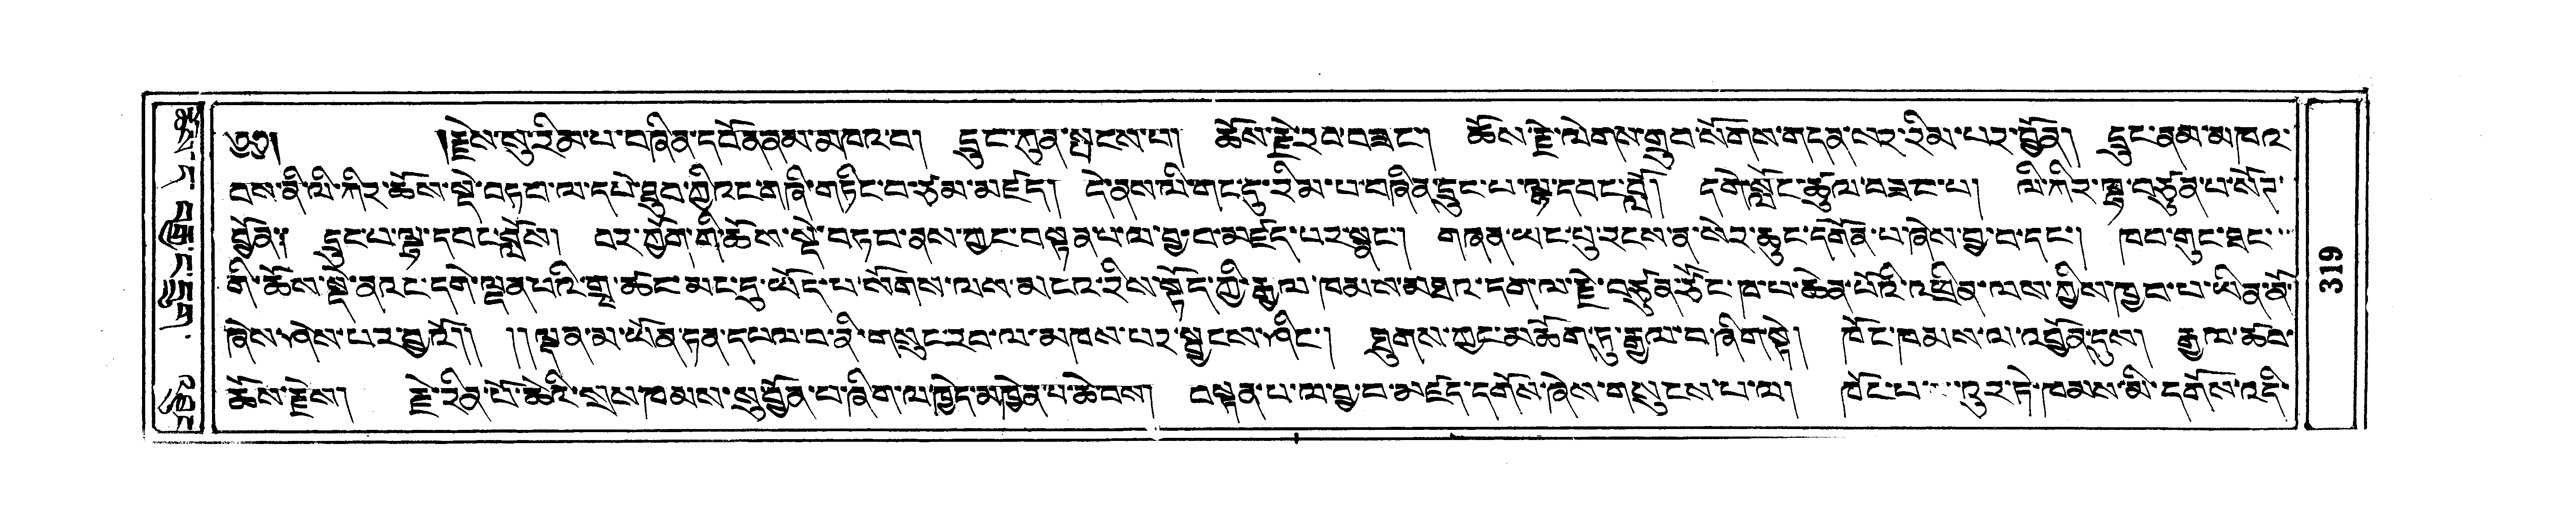༄༅། །རྗེས་སུ་རིམ་པ་བཞིན་དབོན་ནམ་མཁའ་བ། དྲུང་ཀུན་སྤངས་པ། ཆོས་རྗེ་རབ་བཟང་། ཆོས་རྗེ་ལེགས་གྲུབ་སོགས་གདན་སར་རིམ་པར་བྱོན། དྲུང་ནམ་མཁའ་
བས་ནི་ལི་ཀིར་ཆོས་སྡེ་བཏབ་ལ་དཔེ་ཐུབ་ཀྱིའང་གཞི་གཏིང་བ་ཙམ་མཛད། དེ་ནས་ལི་གང་དུ་རིམ་པ་བཞིན་དྲུང་པ་ལྷ་དབང་བློ། དགེ་སློང་ཚུལ་བཟང་པ། ལི་ཀིར་ལྷ་བཙུན་པ་སོཌ་
བྱོན༑ དྲུང་པ་ལྷ་དབང་བློས། བར་ཀྱོག་གི་ཆོས་སྡེ་བཏབ་ནས་ཀྱང་བསྟན་པ་ལ་བྱ་བ་མཛད་པར་སྣང་། གཞན་ཡང་པུ་རངས་ན་སེར་ཆུང་དགོན་པ་ཞེས་བྱ་བ་དང་། ཁབ་གུང་ཐང་
གི་ཆོས་སྡེ་ནའང་དགེ་ལྡན་པའི་གྲྭ་ཚང་མང་དུ་ཡོད་པ་སོགས་ལས་མངའ་རིས་སྟོད་ཀྱི་རྒྱལ་ཁམས་མཐའ་དག་ལ་རྗེ་བཙུན་ཙོང་ཁ་པ་ཆེན་པོའི་འཕྲིན་ལས་ཀྱིས་ཁྱབ་པ་ཡིན་ནོ་
ཞེས་ཤེས་པར་བྱའོ།། །།ལྡན་མ་ཡོན་ཏན་དཔལ་བ་ནི་གསུང་རབ་ལ་མཁས་པར་སྦྱངས་ཤིང་། ཐུགས་ཀྱང་མཆོག་ཏུ་རྒྱལ་བ་ཞིག་སྟེ། ཁོང་ཁམས་ལ་འབྱོན་དུས། རྒྱལ་ཚབ་
ཆོས་རྗེས། རྗེ་རིན་པོ་ཆེའི་སྲས་ཁམས་སུ་བྱོན་པ་ཞིག་ལ་ཁྱེད་མཁྱེན་པ་ཆེ་བས། བསྟན་པ་ལ་བྱ་བ་མཛད་དགོས་ཞེས་གསུངས་པ་ལ། ཁོང་པ་འུར་ཏེ་ཁམས་མི་དགོས་འདི་